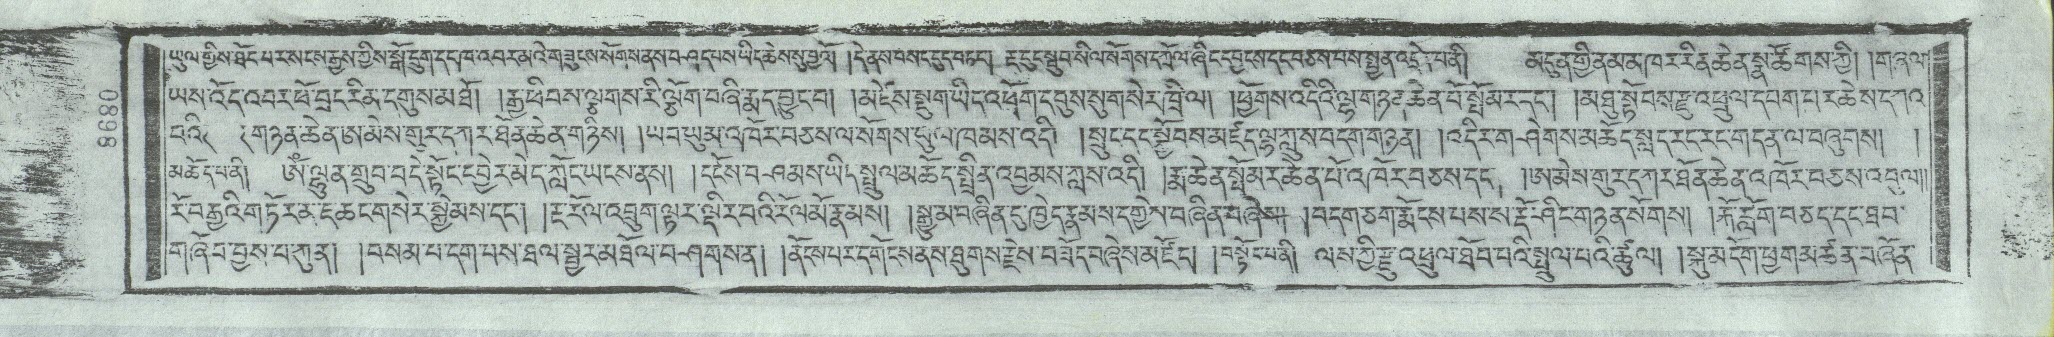ཡུལ་གྱིས་ཐོང་བར་སངས་རྒྱས་ཀྱིས་སྒོ་དྲུག་དང་ཁ་འབར་བའི་གཟུངས་སོགས་ནས་བཞད་པས་ཡིད་ཆེས་སུ་བྱའོ། །དེ་ནས་བསང་དུད་བཏང་། རྔ་དུང་སྤུབ་སིལ་སོགས་དཀྲོལ་ཞིང་དབྱངས་དང་བཅས་བས་སྤྱན་འདྲེད་པ་ནི། མདུན་གྱི་ནམ་མཁར་རིན་ཆེན་སྣ་ཚོགས་ཀྱི། །གཞལ་
ཡས་འོད་འབར་ཕོ་བྲང་རིམ་དགུས་མཐོ། །རྒྱ་ཕིབས་ལྕགས་རི་ལྕོག་བཞི་རྨད་བྱུང་བ། །མཛེས་སྡུག་ཡིང་འཕོག་དབུས་སུ་གསེར་ཁྲི་ལ། །ཕྱོགས་འདིའི་ལྷ་གཉན་ཆེན་པོ་སྤོམ་ར་དང་། །མཐུ་སྟོབས་རྫུ་འཕྲུལ་དཔག་པར་ཆེས་དཀའ་
བའི༑ ༑གཉན་ཆེན་ཨ་མེས་གུར་དཀར་ཐོན་ཆེན་གཉིས། །ཡབ་ཡུམ་འཁོར་བཅས་ལ་སོགས་ཡུལ་ཁམས་འདི། །སྲུང་དང་སྐྱོབས་མཛད་ལྷ་ཀླུས་བདག་གཉན། །འདིར་གཤེགས་མཆོད་སླད་རང་རང་གདན་ལ་བཞུགས། །
མཆོད་པ་ནི། ཨོཾ་ལྷུན་གྲུབ་བདེ་སྟོང་དབྱེར་མེད་ཀློང་ཡངས་ནས། །དངོས་བཤམས་ཡིད་སྤྲུལ་མཆོད་སྤྲིན་འབྱམས་ཀླས་འདི། །རྨ་ཆེན་སྤོམ་ར་ཆེན་པོ་འཁོར་བཅས་དང་། །ཨ་མེས་གུ་རུ་དཀར་ཐོན་ཆེན་འཁོར་བཅས་འབུལ།།
རོ་བརྒྱའི་གཏོར་ན་ཇ་ཆང་གསེར་སྐྱེམས་དང་། །རྔ་རོལ་འབྲུག་ལྟར་ལྡིར་བའི་རོལ་མོ་རྣམས། །སྒྱུ་མ་བཞིན་དུ་ཁྱེད་རྣམས་དགྱེས་བཞིན་བཞེས། །བདག་ཅག་རྨོངས་པས་ས་རྡོ་ཤིང་གཉན་སོགས། །རྐོ་རློག་བཅད་དང་ཐབ་
གཞོབ་བྱས་པ་ཀུན། །བསམ་པ་དག་པས་ཐལ་སྦྱར་མཐོལ་བཤགས་ན། །ནོངས་པར་དགོངས་ནས་ཐུགས་རྗེས་བཟོད་བཞེས་མཛོད། །བསྟོང་པ་ནི། ལས་ཀྱི་རྫུ་འཕྲུལ་ཐོབ་པའི་སྤྲུལ་པའི་ཚུལ། །སྐུ་མདོག་ཕྱག་མཚན་བཞོན་